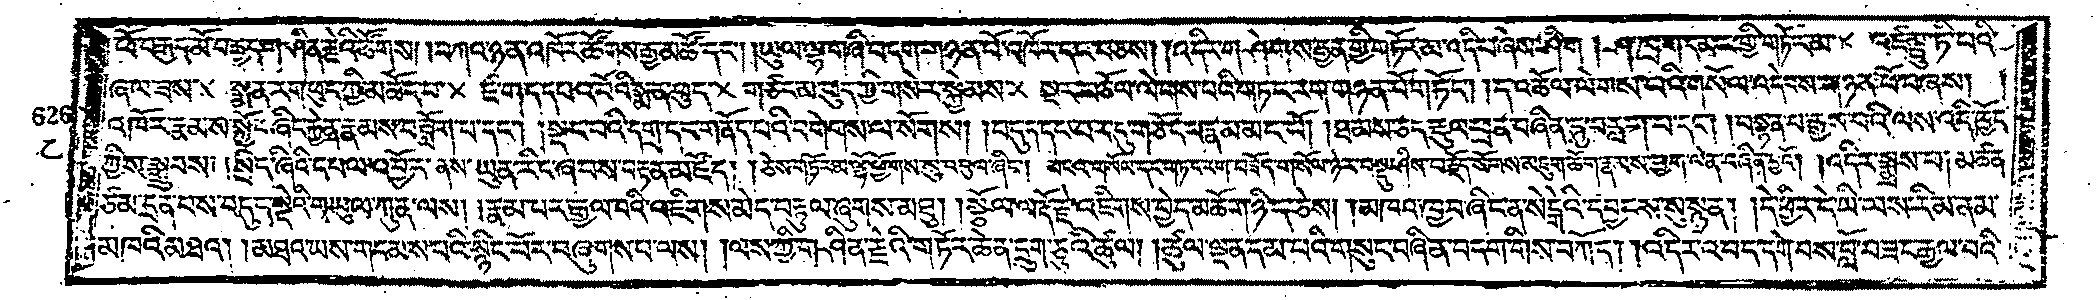ཕོ་བརྒྱད་མོ་བརྒྱད་གཤིན་རྗེའི་ཚོགས། །བཀའ་ཉན་འཁོར་ཚོགས་རྒྱ་མཚོ་དང་། །ཡུལ་ལྷ་གཞི་བདག་གཉན་པོ་འཁོར་དང་བཅས། །འདིར་གཤེགས་རྒྱན་གྱི་གཏོར་མ་འདི་པ་ཞེས་ཤིག །ཤ་ཁྲག་དམར་གྱི་གཏོར་མ་྾་འཛམྦུ་ཏི་པའི་
ཞལ་ཟས་྾་སྨན་རག་ཕུད་ཀྱི་མཆོད་པ་྾་ཛ་གད་དཔའ་བོའི་སྨན་ཕུད་྾་གཙང་མ་ཕུད་ཀྱི་གསེར་སྐྱེམས་྾་སྔར་བཅོལ་ལེགས་པའི་གཏང་རག་གཉན་པོ་གཏོང་། །ད་འཚོལ་ལེགས་པའི་གསོལ་འདེབས་གཉན་པོ་བཞས། །
འཁོར་རྣམས་སྐྱོང་ཞིང་རྐྱེན་རྣམས་བཟློག་པ་དང་། །སྡང་བའི་དགྲ་དང་གནོད་པའི་བགེགས་ལ་སོགས། །བདུད་དང་བར་དུ་གཙོད་པ་རྣམ་མང་པོ། །ཐམས་ཅད་རྡུལ་ཕྲན་བཞིན་དུ་བརླག་པ་དང་། །བསྟན་པ་རྒྱས་པའི་ལས་འདི་ཁྱོད་
ཀྱིས་སྒྲུབས། །སྲིད་ཞིའི་དཔལ་འབྱོར་ནས་ཡུན་རིང་ཞབས་བརྟན་མཛོད། །ཅེས་གཏོར་མ་ལྷོ་ཕྱོགས་སུ་འབུལ་ཞིང་། མངའ་གསོལ་དང་གཏང་རག་བཟོད་གསོལ་ཉེར་བསྡུ་ཤིས་བརྗོད་སོགས་མཇུག་ཆོག་རྣམས་ཕྱག་ལེན་བཞིན་བྱའོ།  །འདིར་སྨྲས་པ། མཚན་
ཙམ་དྲན་པས་བདུད་སྡེའི་གཡུལ་ཀུན་ལས། །རྣམ་པར་རྒྱལ་བའི་འཇིགས་མེད་བརྟུལ་ཞུགས་མཐུ། །སྩོལ་ཡ་རྡོ་རྗེ་འཇིགས་བྱེད་མཆོག་ཉིད་ཅེས། །མཁའ་ཁྱབ་ཞིང་ན་སེངྒེའི་དབྱངས་སུ་སྙན། །དེ་ཕྱིར་དེ་ཡི་ལས་རིམ་ནམ་
མཁའི་མཐའ། །མཐའ་ཡས་གདམས་པའི་སྙིང་པོར་བཞུགས་པ་ལས། །ལས་ཀྱི་གཤིན་རྗེའི་གཏོར་ཆེན་དྲུག་ཅུའི་ཚུལ། །ཚུལ་ལྡན་དམ་པའི་གསུངས་བཞིན་བདག་གིས་བཀོད། །འདིར་འབད་དགེ་བས་བློ་བཟང་རྒྱལ་བའི་